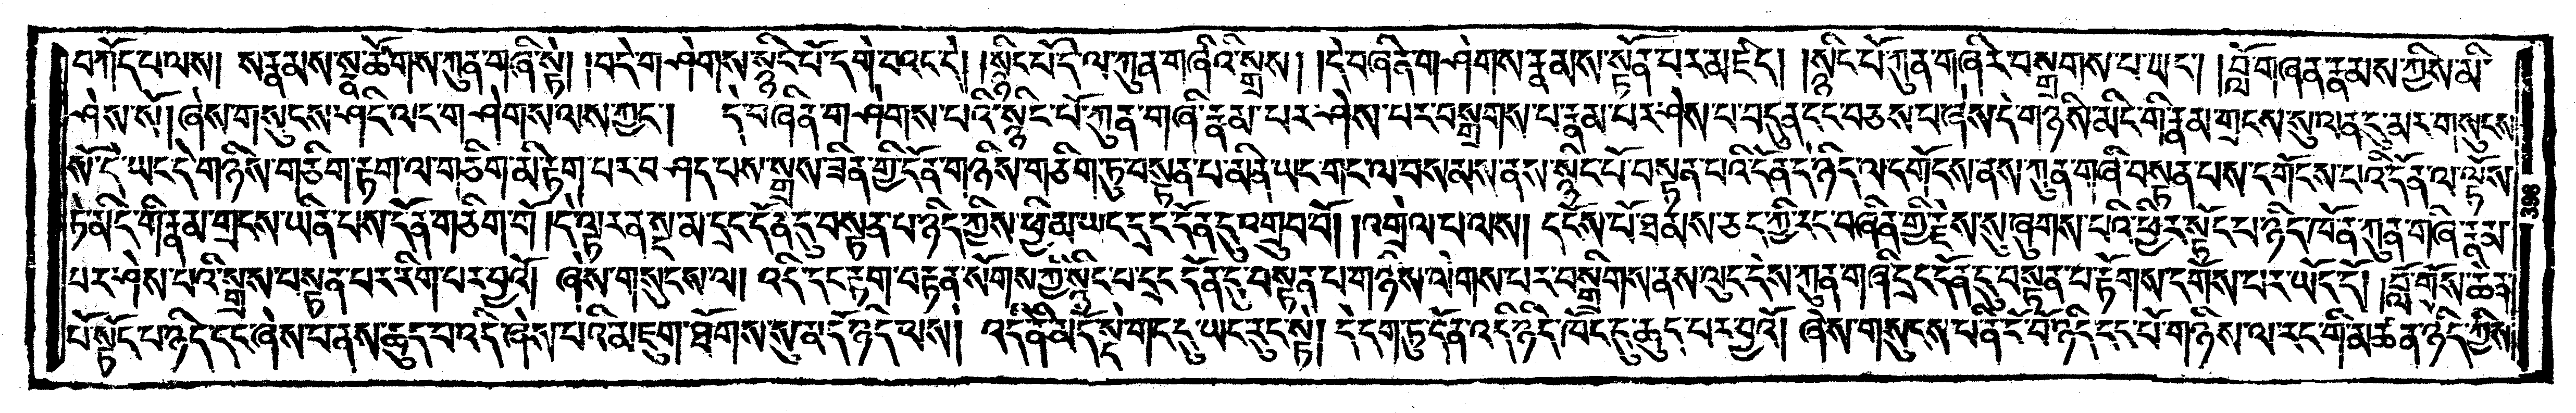བཀོད་པ་ལས། ས་རྣམས་སྣ་ཚོགས་ཀུན་གཞི་སྟེ། །བདེ་གཤེགས་སྙིང་པོ་དགེ་བའང་དེ། །སྙིང་པོ་དེ་ལ་ཀུན་གཞིའི་སྒྲས། །དེ་བཞིན་གཤེགས་རྣམས་སྟོན་པར་མཛད། །སྙིང་པོ་ཀུན་གཞིར་བསྒྲགས་པ་ཡང་། །བློ་གཞན་རྣམས་ཀྱིས་མི་
ཤེས་སོ། །ཞེས་གསུངས་ཤིང་ལང་གཤེགས་ལས་ཀྱང་། དེ་བཞིན་གཤེགས་པའི་སྙིང་པོ་ཀུན་གཞི་རྣམ་པར་ཤེས་པར་བསྒྲགས་པ་རྣམ་པར་ཤེས་པ་བདུན་དང་བཅས་པ་ཞེས་དེ་གཉིས་མིང་གི་རྣམ་གྲངས་སུ་ལན་དུ་མར་གསུངས་
སོ་དེ་ཡང་དེ་གཉིས་གཅིག་རྟག་ལ་གཅིག་མི་རྟག་པར་བཤད་པས་སྒྲས་ཟིན་གྱི་དོན་གཉིས་གཅིག་ཏུ་བསྟན་པ་མིན་ཡང་གང་ལ་བསམས་ནས་སྙིང་པོ་བསྟན་པའི་དོན་དེ་ཉིད་ལ་དགོངས་ནས་ཀུན་གཞི་བསྟན་པས་དགོངས་པའི་དོན་ལ་ལྟོས་
ཏེ་མིང་གི་རྣམ་གྲངས་ཡིན་པས་དོན་གཅིག་གོ །དེ་ལྟར་ན་སྔ་མ་དྲང་དོན་དུ་བསྟན་པ་ཉིད་ཀྱིས་ཕྱི་མ་ཡང་དྲང་དོན་དུ་འགྲུབ་བོ། །འགྲེལ་པ་ལས། དངོས་པོ་ཐམས་ཅད་ཀྱི་རང་བཞིན་གྱི་རྗེས་སུ་ཞུགས་པའི་ཕྱིར་སྟོང་པ་ཉིད་ཁོ་ན་ཀུན་གཞི་རྣམ་
པར་ཤེས་པའི་སྒྲས་བསྟན་པར་རིག་པར་བྱའོ། ཞེས་གསུངས་ལ། འདི་དང་རྟག་བརྟན་སོགས་ཀྱི་སྙིང་པོ་དྲང་དོན་དུ་བསྟན་པ་གཉིས་ལེགས་པར་བསྒྲིགས་ནས་ལུང་དེས་ཀུན་གཞི་དྲང་དོན་དུ་བསྟན་པ་རྟོགས་དགོས་པར་ཡོད་དོ། །བློ་གྲོས་ཆེན་
པོ་སྟོང་པ་ཉིད་དང་ཞེས་པ་ནས་ཆུད་པ་འདི་ཞེས་པའི་མཇུག་ཐོགས་སུ་མདོ་ཉིད་ལས། འདི་ནི་མདོ་སྡེ་གང་དུ་ཡང་རུང་སྟེ། དེ་དག་ཏུ་དོན་འདི་ཉིད་ཁོང་དུ་ཆུད་པར་བྱའོ། ཞེས་གསུངས་པ་ནི་ངོ་བོ་ཉིད་དང་པོ་གཉིས་ལ་རང་གི་མཚན་ཉིད་ཀྱིས་